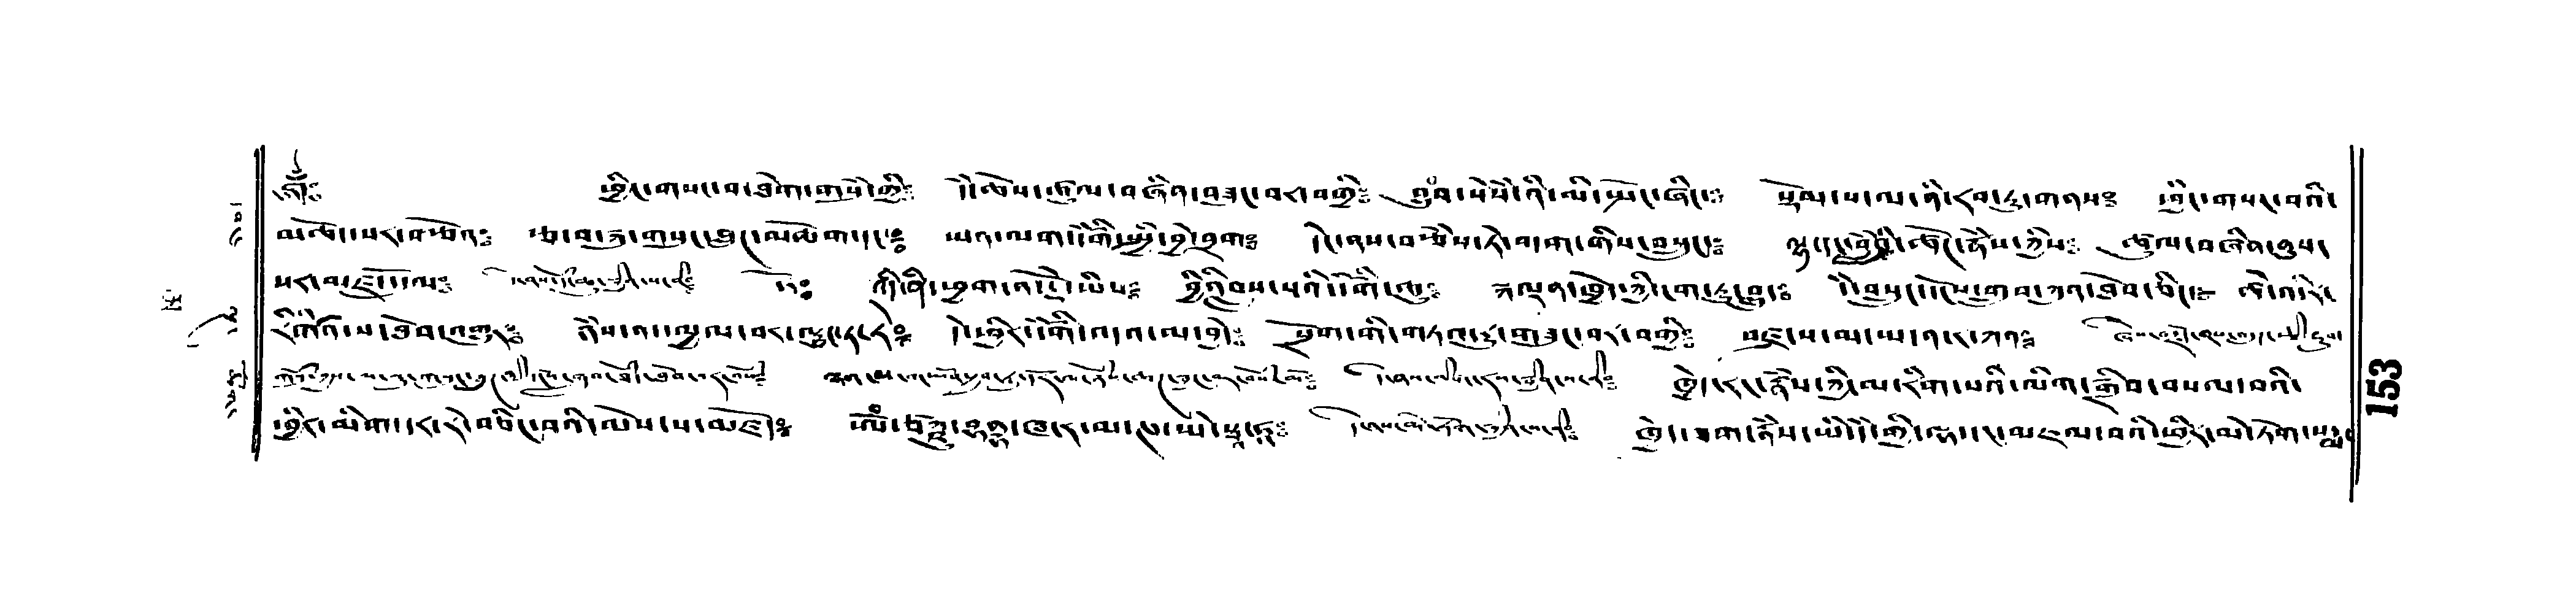ཕྱི་ནང་གསང་བ་ཐེག་གསུམ་གྱི༔ དམ་ཆོས་ཚུལ་བཞིན་བཟུང་བར་བགྱི༔ བྱང་ཆུབ་སེམས་ནི་མི་སྤོང་ཞིང༔ སྡོམ་པ་ལ་ནི་རབ་ཏུ་གནས༔ ཕྱི་ནང་གསང་བའི་
མཆོད་པར་བརྩོན༔ རྩ་བ་སྐུ་གསུང་ཐུགས་མཆོག་དང༔ ཡན་ལག་དམ་ཚིག་སྤྱི་བྱེ་བྲག༔ དེང་ནས་བརྩམས་ཏེ་བདག་གིས་བསྲུང༔ ལྷ་དང་བླ་མའི་ཚོགས་རྣམས་ཀྱིས༔ ཚུལ་བཞིན་ནུས་
པར་མཛད་དུ་གསོལ༔ དེ་ནས་དམ་ཆུ་སྦྱིན་པ་ནི༔ ཧོཿ འདི་ནི་ཕྱག་ན་རྡོ་རྗེ་ཡིས༔ བྱིན་གྱིས་རླབས་པའི་དམ་ཚིག་ཆུ༔ སྐལ་ལྡན་ཁྱེད་ཀྱི་ངག་ཏུ་བླུད༔ དམ་བསྲུང་དངོས་གྲུབ་ཀུན་ཐོབ་ཅིང༔ ཚེ་འདིར་
རིག་འཛིན་ས་ཐོབ་འགྱུར༔ ཉམས་ན་དམྱལ་བར་ལྟུང་ཏ་རེ༔ དེ་ཕྱིར་དམ་ཚིག་འདའ་མ་བྱེད༔ སྲོག་གི་གཏའ་རུ་གཟུང་བར་བགྱི༔ བཛྲ་ས་མ་ཡ་ན་ར་ཀན༔ ཞེས་བརྗོད་ནས་བདུད་རྩི་ཧུབ་
གསུམ་བྱས་ལ་སྐུ་གསུང་ཐུགས་ཀྱི་དངོས་གྲུབ་ཐམས་ཅད་ཐོབ་པར་བསམ༔ ལྷག་མ་གཡོན་རྒྱབ་ཏུ་དོར་ལ་ཉམས་ཆགས་བྱང་བར་བསམ་མོ༔ དེ་ནས་མིག་རས་སྦྱིན་པ་ནི༔ ཁྱེད་རང་རྣམས་ཀྱི་མ་རིག་པའི་མིག་སྒྲིབ་བསལ་བའི་
ཕྱིར་མིག་དར་རེ་བཅིང་བའི་མོས་པ་མཛོད༔ ཨོཾ་ཙཀྵུ་བྷནྡྷ་ཝ་ར་མ་ཎ་ཡེ་སྭཱ་ཧཱཿ དེ་ནས་མེ་ཏོག་སྦྱིན་པ་ནི༔ ཁྱེད་ཅག་རྣམས་ཡི་དམ་གྱི་ལྷ་དང་མཇལ་བའི་ཕྱིར་མེ་ཏོག་པདྨ་